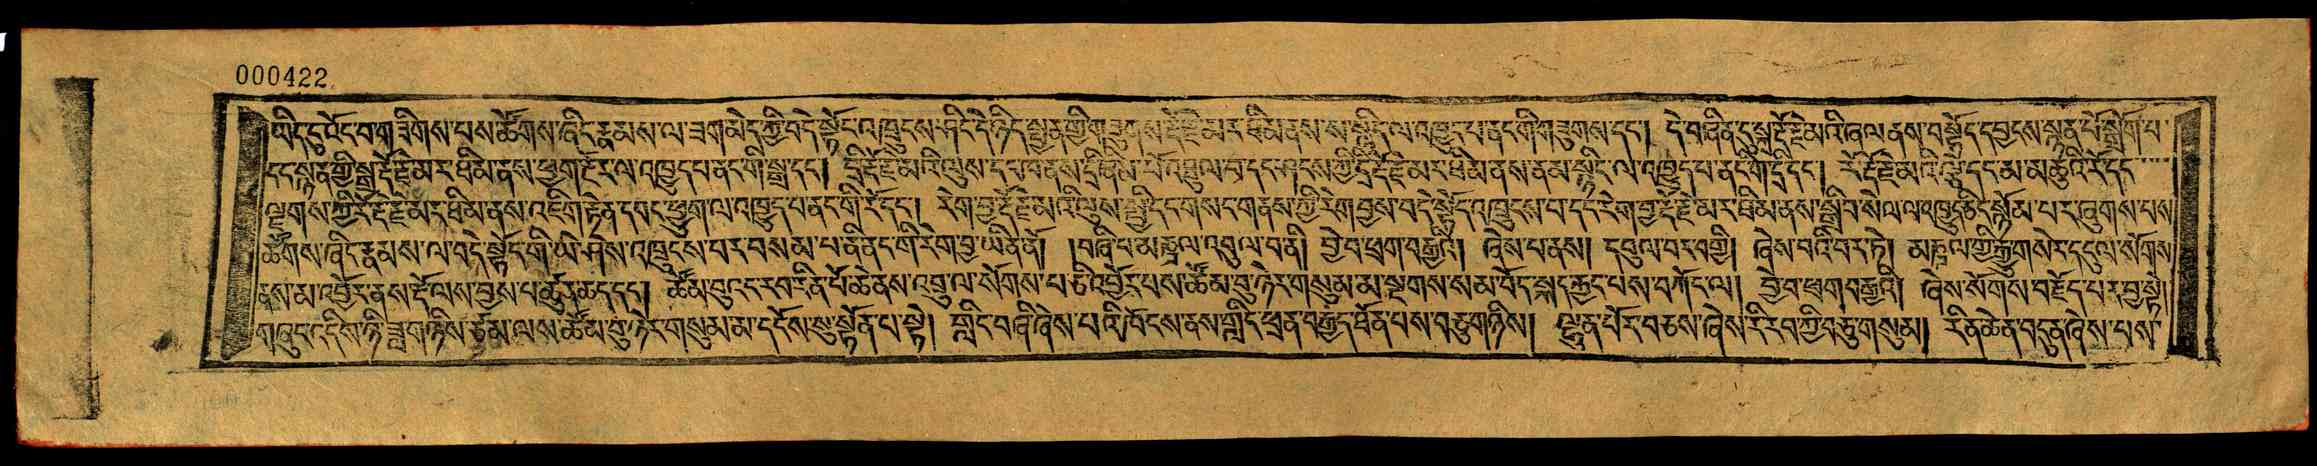ཡིད་དུ་འོང་བ་གཟིགས་པས་ཚོགས་ཞིང་རྣམས་ལ་ཟག་མེད་ཀྱི་བདེ་སྟོང་འཁྲུངས་ཤིང་དེ་ཉིད་སྤྱན་གྱི་གཟུགས་རྡོ་རྗེ་མར་ཐིམ་ནས་ས་སྙིང་ལ་འཁྱུད་པ་ནང་གི་གཟུགས་དང་། དེ་བཞིན་དུ་སྒྲ་རྡོ་རྗེ་མའི་ཞལ་ནས་བསྟོད་དབྱངས་སྙན་པོ་སྒྲོག་པ་
དང་སྙན་གྱི་སྒྲ་རྡོ་རྗེ་མར་ཐིམ་ནས་ཕྱག་རྡོར་ལ་འཁྱུད་པ་ནང་གི་སྒྲ་དང་། དྲི་རྡོ་རྗེ་མའི་ལུས་དང་ཁ་ནས་དྲི་ཞིམ་པོ་འཐུལ་བ་དང་ཤངས་ཀྱི་དྲི་རྡོ་རྗེ་མར་ཐིམ་ནས་ནམ་སྙིང་ལ་འཁྱུད་པ་ནང་གི་དྲི་དང་། རོ་རྡོ་རྗེ་མའི་ལྕེ་དང་མ་མཆུའིརོ་དང་
ལྗགས་ཀྱི་རོ་རྡོ་རྗེ་མར་ཐིམ་ནས་འཇིག་རྟེན་དབང་ཕྱུག་ལ་འཁྱུད་པ་ནང་གི་རོ་དང་། རེག་བྱ་རྡོ་རྗེ་མའི་ལུས་སྤྱི་དང་གསང་གནས་ཀྱི་རེག་བྱས་བདེ་སྟོང་འཁྲུངས་པ་དང་རེག་བྱ་རྡོ་རྗེ་མར་ཐིམ་ནས་སྒྲིབ་སེལ་ལ་འཁྱུད་ཅིང་སྙོམ་པར་ཞུགས་པས་
ཚོགས་ཞིང་རྣམས་ལ་བདེ་སྟོང་གི་ཡེ་ཤེས་འཁྲུངས་པར་བསམ་པ་ནི་ནང་གི་རེག་བྱ་ཡིན་ནོ། །བཞི་པ་མཎྜལ་འབུལ་བ་ནི། བྱེ་བ་ཕྲག་བརྒྱའི། ཞེས་པ་ནས། དབུལ་བར་བགྱི། ཞེས་པའི་བར་ཏེ། མཎྜལ་གྱི་རྒྱུ་གསེར་དངུལ་སོགས་
རབ་མ་འབྱོར་ན་ས་རྡོ་ལས་བྱས་པ་ཚུན་ཆད་དང་། ཚོམ་བུའངྲབ་རིན་པོ་ཆེ་ནས་འབྲུ་ལ་སོགས་པ་ཅི་འབྱོར་པས་ཚོམ་བུ་ཉེར་གསུམ་མ་སྔགས་སམ་བོད་སྐད་རྐྱང་པས་བཀོད་ལ། བྱེ་བ་ཕྲག་བརྒྱའི། ཞེས་སོགས་བརྗོད་པར་བྱ་སྟེ།
གཞུང་འདིས་ཉི་ཟླ་གཉིས་ཙམ་ལས་ཚོམ་བུ་ཉེར་གསུམ་མ་དངོས་སུ་སྟོན་པ་སྟེ། གླིང་བཞི་ཞེས་པའི་ཁོངས་ནས་གླིང་ཕྲན་བརྒྱད་ཐོན་པས་བཅུ་གཉིས། ལྷུན་པོར་བཅས་ཞེས་རི་རབ་ཀྱི་བཅུ་གསུམ། རིན་ཆེན་བདུན་ཞེས་པས་